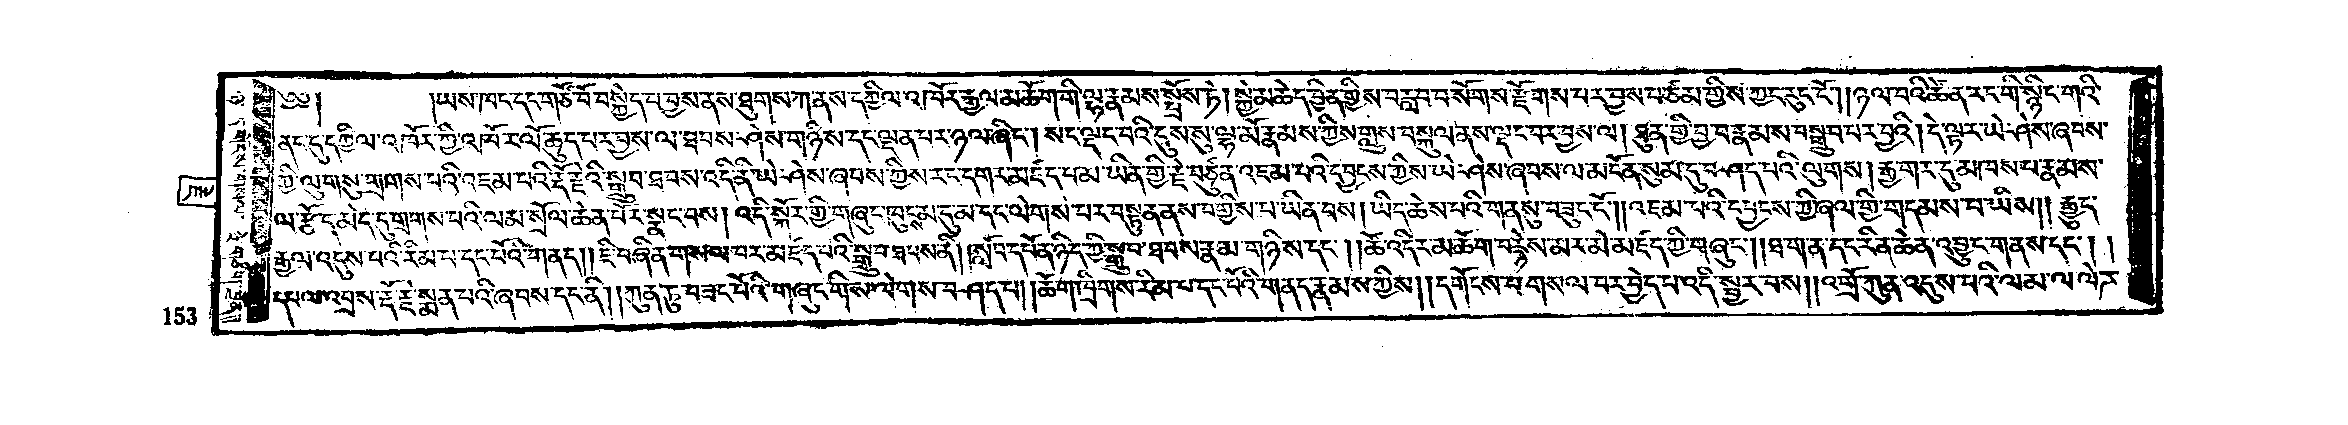༄༅། །ཡས་ཁང་དང་གཙོ་བོ་བསྐྱེད་པ་བྱས་ནས་ཐུགས་ཀ་ནས་དཀྱིལ་འཁོར་རྒྱལ་མཆོག་གི་ལྷ་རྣམས་སྤྲོས་ཏེ། སྐྱེ་མཆེད་བྱིན་གྱིས་བརླབ་པ་སོགས་རྫོགས་པར་བྱས་པ་ཙམ་གྱིས་ཀྱང་རུང་ངོ། །ཉལ་བའི་ཚེ་ན་རང་གི་སྙིང་གའི་
ནང་དུ་དཀྱིལ་འཁོར་གྱི་འཁོར་ལོ་ཆུད་པར་བྱས་ལ་ཐབས་ཤེས་གཉིས་དང་ལྡན་པར་ཉལ་ཞིང་། སང་ལྡང་བའི་དུས་སུ་ལྷ་མོ་རྣམས་ཀྱིས་གླུས་བསྐུལ་ནས་ལྡང་བར་བྱས་ལ། ཐུན་གྱི་བྱ་བ་རྣམས་བསྒྲུབ་པར་བྱའི། དེ་ལྟར་ཡེ་ཤེས་ཞབས་
ཀྱི་ལུགས་སུ་གྲགས་པའི་འཇམ་པའི་རྡོ་རྗེའི་སྒྲུབ་ཐབས་འདི་ནི་ཡེ་ཤེས་ཞབས་ཀྱིས་རང་དགར་མཛད་པ་མ་ཡིན་གྱི་རྗེ་བཙུན་འཇམ་པའི་དབྱངས་ཀྱིས་ཡེ་ཤེས་ཞབས་ལ་མངོན་སུམ་དུ་བཤད་པའི་ལུགས། རྒྱ་གར་དུ་མཁས་པ་རྣམས་
ལ་རྩོད་མེད་དུ་གྲགས་པའི་ལམ་སྲོལ་ཆེན་པོར་སྣང་བས། འདི་སྐོར་གྱི་གཞུང་ཁུངས་མ་དུ་མ་དང་ལེགས་པར་བསྟུན་ནས་བགྱིས་པ་ཡིན་པས། ཡིད་ཆེས་པའི་གནས་སུ་བཟུང་ངོ། །འཇམ་པའི་དབྱངས་ཀྱི་ཞལ་གྱི་གདམས་པ་ཡིས། །རྒྱུད་
རྒྱལ་འདུས་པའི་རིམ་པ་དང་པོའི་གནད། །ཇི་བཞིན་གསལ་བར་མཛད་པའི་སྒྲུབ་ཐབས་ནི། །སློབ་དཔོན་ཉིད་ཀྱི་སྒྲུབ་ཐབས་རྣམ་གཉིས་དང་། །ཚེ་འདིར་མཆོག་བརྙེས་མར་མེ་མཛད་ཀྱི་གཞུང་། །ཐ་ག་ན་དང་རིན་ཆེན་འབྱུང་གནས་དང་། །
དཔལ་འབྲས་རྡོ་རྗེ་སྨན་པའི་ཞབས་དང་ནི། །ཀུན་ཏུ་བཟང་པོའི་གཞུང་གིས་ལེགས་བཤད་པ། །ཆོག་ཁྲིགས་རིམ་པ་དང་པོའི་གནད་རྣམས་ཀྱིས། །དགོངས་པ་གསལ་བར་བྱེད་པ་འདི་སྦྱར་བས། །འགྲོ་ཀུན་འདུས་པའི་ལམ་ལ་ལེགས་